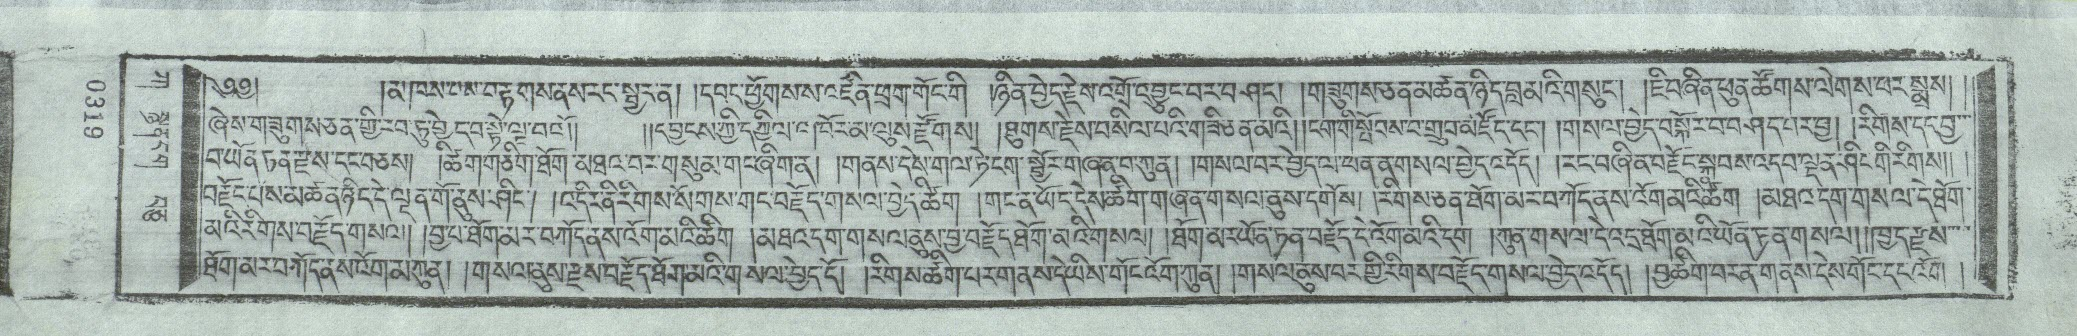༄༅། །མཁས་པས་བརྟགས་ནས་རང་སྦྱར་ན། །དབྱང་ཕྱོགས་འཛིན་ཕྲག་གོང་གི །ཉིན་བྱེད་རྗེས་འགྲོ་འབྱུང་བར་བཤད། །གཟུགས་ཅན་མཚན་ཉིད་བླ་མའི་གསུང་། །ཇི་བཞིན་ཕུན་སོགས་ལེགས་པར་སྡམ?། །
ཞེས་གཟུགས་ཅན་གྱི་རབ་ཏུ་བྱེད་བསྟེ་ལྔ་བའོ།། །།དབྱངས་ཀྱི་དཀྱིལ་འཁོར་མ་ལུས་རྫོགས། །ཐུགས་རྗེས་བསིལ་པའི་གཟི་ཅན་མའི། །ངག་སྤོབས་བ་གྲུབ་མཛོད་དང་། །གསལ་བྱེད་བསྐོར་བ་བཤད་བར་བྱས། །རིགས་དང་བྱ་
བ་ཡོན་ཏན་རྫས་དང་བཅས། །ཚིག་གཅིག་ཐོག་མཐའ་བར་གསུམ་གང་ཞིག་ན། །གནས་དེས་གལ་ཏེ་ངག་སྦྱོར་གཞན་བ་ཀུན། །གསལ་བར་བྱེད་ལ་ཕན་ན་གསལ་བྱེད་འདོད། །རང་བཞིན་བརྗོད་སྐབས་འདབ་ལྡན་ཤིང་གི་རིམས?། །
བརྗོད་པས་མཚན་ཉིད་དེ་ལྡན་གོ་ནུས་ཤིང་། །འདིར་ནི་རིགས་སོགས་གང་བརྗོད་གསལ་བྱེད་ཚིག །གང་ན་ཡོད་དེས་ཚིག་གཞན་གསལ་ནུས་དགོས། །རིགས་ཅན་ཐོག་མ་བཀོད་ནས་འོག་མའི་ཚིག །མཐའ་དག་གསལ་དེ་ཐོག་
མའི་རིགས་བརྗོད་གསལ། བྱ་བ་ཐོག་མར་བཀོད་ནས་འོག་མའི་ཚིག །མཐའ་དག་གསལ་ནུས་བྱ་བརྗོད་ཐོག་མའི་གསལ། །ཐོག་མར་ཡོན་ཏན་བརྗོད་དེ་འོག་མའི་དག །ཀུན་གསལ་དེ་འདྲ་ཐོག་མའི་ཡོན་ཏན་གསལ། །ཁྱད་རྫས་
ཐོག་མར་བཀོད་ནས་འོག་མ་ཀུན། །གསལ་ནུས་རྫས་བརྗོད་ཐོག་མའི་གསལ་བྱེད་དོ། །རིག་ཚིག་པར་གནས་དེ་ཡིས་གོང་འོག་ཀུན། །གསལ་ནུས་པར་གྱི་རིགས་བརྗོད་གསལ་བྱེད་འདོད། །བྱ་ཚིག་བར་ན་གནས་དེས་གོང་དང་འོག །